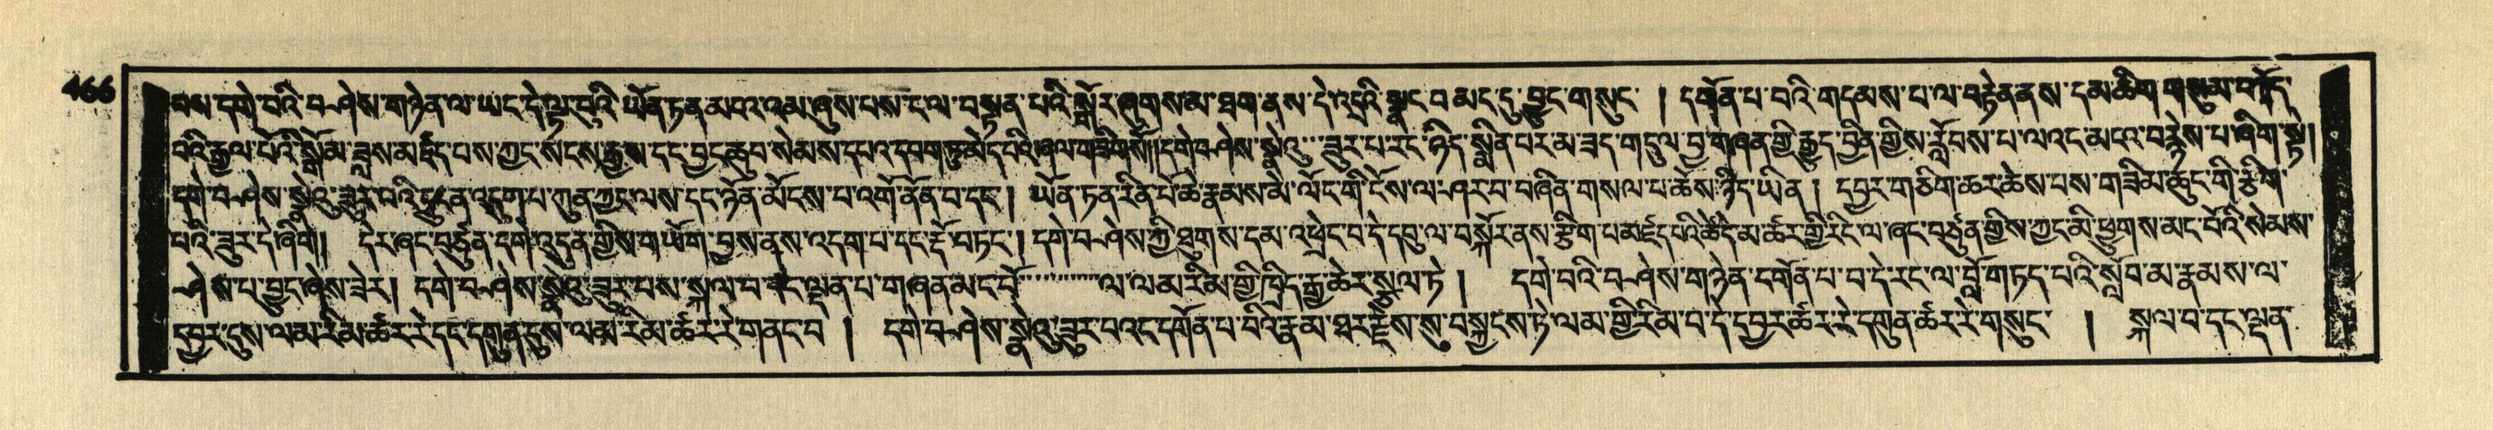བས་དགེ་བའི་བཤེས་གཉེན་ལ་ཡང་དེ་ལྟ་བུའི་ཡོན་ཏན་མངའ་འམ་ཞུས་པས་ང་ལ་བསྟན་པའི་སྒོར་ཞུགས་མ་ཐག་ནས་དེ་འདྲའི་སྣང་བ་མང་དུ་བྱུང་གསུང་།དགོན་པ་བའི་གདམས་པ་ལ་བརྟེན་ནས་དམ་ཚིག་གསུམ་བཀོད་
བའི་རྒྱལ་པོའི་སྒོམ་ཟླས་མཛད་པས་ཀྱང་སངས་རྒྱས་དང་བྱང་ཆུབ་སེམས་དཔའ་དཔག་ཏུ་མེད་པའི་ཞལ་གཟིགས་སོ། །དགེ་བཤེས་སྣེའུ་ཟུར་པ་རང་ཉིད་སྨིན་པར་མ་ཟད་གདུལ་བྱ་གཞན་གྱི་རྒྱུད་བྱིན་གྱིས་རློབས་པ་ལའང་མངའ་བརྙེས་པ་ཞིག་སྟེ།
དགེ་བཤེས་སྣེའུ་ཟུར་བའི་དྲུང་ན་འདུག་པ་ཀུན་ཀྱང་ལས་དང་ཉོན་མོངས་པ་འགོ་ནོན་པ་དང་། ཡོན་ཏན་རིན་པོ་ཆེ་རྣམས་མེ་ལོང་གི་ངོས་ལ་ཤར་བ་བཞིན་གསལ་པ་ཆོས་ཉིད་ཡིན། དབྱར་གཅིག་ཆར་ཆེས་པས་གཟིམ་ཆུང་གི་རྩིག་
པའི་ཟུར་དེ་ཞིག། དེར་ཞང་བཙུན་དགེ་འདུན་གྱིས་གཡོག་བྱས་ནས་འདག་པ་དང་རྡོ་བཏང་། དགེ་བཤེས་ཀྱི་ཐུགས་དམ་འཕྲེང་བ་དེ་དབུ་ལ་བསྐོར་ནས་རྩིག་པ་མཛད་པའི་ཚེ་དེ་མ་ཚར་གྱི་རིང་ལ་ཞང་བཙུན་གྱིས་ཀྱང་མི་ཕྱུགས་མང་པོའི་སེམས་
ཤེས་པ་བྱུང་ཞེས་ཟེར། དགེ་བཤེས་སྣེའུ་ཟུར་པས་སྐལ་པ་དང་ལྡན་པ་གཞན་མང་པོ་ལ་ལམ་རིམ་གྱི་ཁྲིད་རྒྱ་ཆེར་སྩལ་ཏེ། དགེ་བའི་བཤེས་གཉེན་དགོན་པ་བ་དེ་རང་ལ་བློ་གཏད་པའི་སློབ་མ་རྣམས་ལ་
དབྱར་དུས་ལམ་རིམ་ཚར་རེ་དང་དགུན་དུས་ལམ་རིམ་ཚར་རེ་གནང་བ། དགེ་བཤེས་སྣེའུ་ཟུར་བའང་དགོན་པ་བའི་རྣམ་ཐར་རྗེས་སུ་བསྐྱངས་ཏེ་ལམ་གྱི་རིམ་པ་དེ་དབྱར་ཚར་རེ་དགུན་ཚར་རེ་གསུང་།སྐལ་བ་དང་ལྡན་